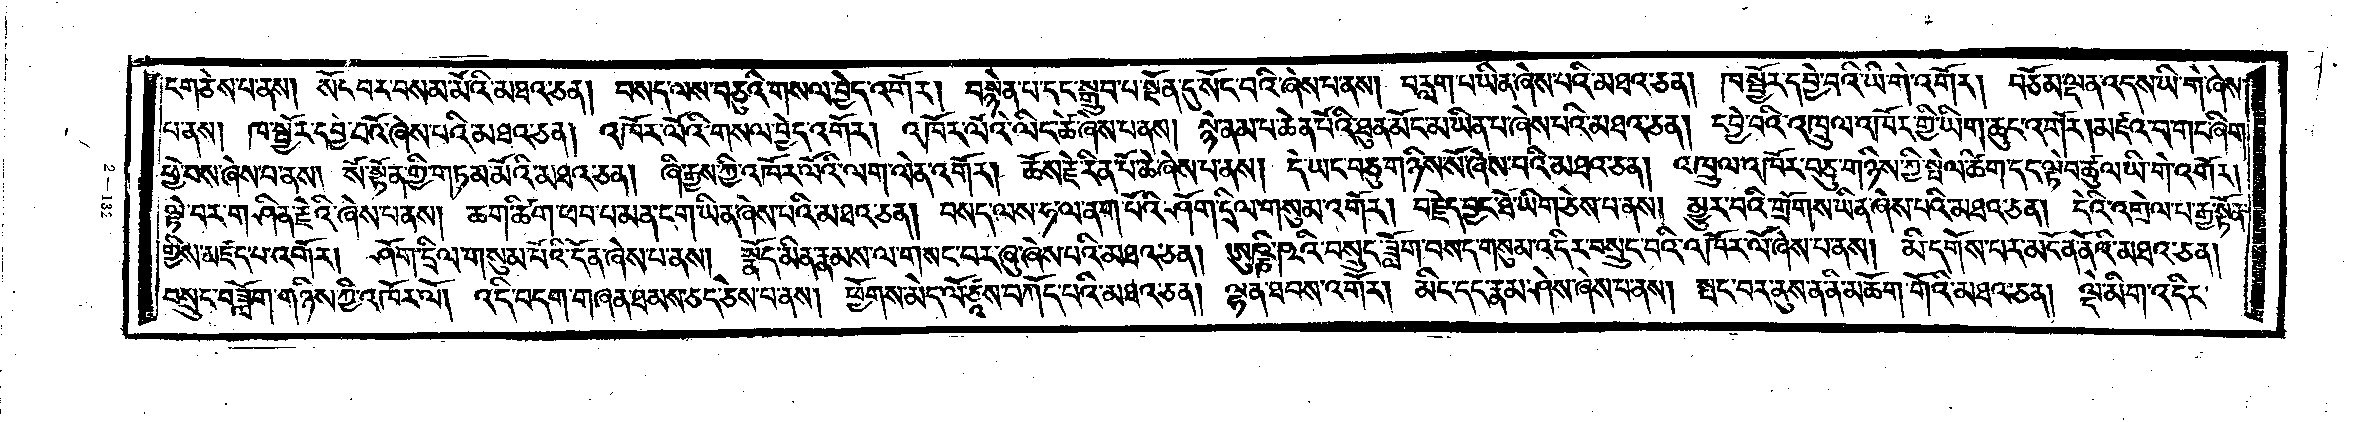ངག་ཅེས་པ་ནས། སོང་བར་བསམ་མོའི་མཐའ་ཅན། བསད་ལས་བཅུའི་གསལ་བྱེད་འགོར། བསྙེན་པ་དང་སྒྲུབ་པ་སྔོན་དུ་སོང་བའི་ཞེས་པ་ནས། བརླག་པ་ཡིན་ཞེས་པའི་མཐའ་ཅན། ཁ་སྦྱོར་དབྱེ་བའི་ཡི་གེ་འགོར། བཅོམ་ལྡན་འདས་ཡི་གེ་ཞེས་
པ་ནས། ཁ་སྦྱོར་དབྱེ་བའོ་ཞེས་པའི་མཐའ་ཅན། འཁོར་ལོའི་གསལ་བྱེད་འགོར། འཁོར་ལོའི་ལིང་ཚེ་ཞེས་པ་ནས། སྙེ་ནམ་པ་ཆེན་པོའི་ཐུན་མོང་མ་ཡིན་པ་ཞེས་པའི་མཐའ་ཅན། དབྱེ་བའི་འཁྲུལ་འཁོར་གྱི་ཡིག་ཆུང་འགོར། མཛའ་བ་གང་ཞིག་
ཕྱེབས་ཞེས་པ་ནས། སོ་སྟོན་གྱི་གཏམ་མོའི་མཐའ་ཅན། ཞི་རྒྱས་ཀྱི་འཁོར་ལོའི་ལག་ལེན་འགོར། ཆོས་རྗེ་རིན་པོ་ཆེ་ཞེས་པ་ནས། དེ་ཡང་བཅུ་གཉིས་སོ་ཞེས་པའི་མཐའ་ཅན། འཁྲུལ་འཁོར་བཅུ་གཉིས་ཀྱི་སྤེལ་ཚིག་དང་ལྟེབ་ཚུལ་ཡི་གེ་འགོར།
ལྟེ་བར་གཤིན་རྗེའི་ཞེས་པ་ནས། ཆག་ཚིག་ཕབ་པ་མན་ངག་ཡིན་ཞེས་པའི་མཐའ་ཅན། བསད་ལས་ཧ་ལ་ནག་པོའི་ཤོག་དྲིལ་གསུམ་འགོར། བརྗེད་བྱང་ཐོ་ཡིག་ཅེས་པ་ནས། མྱུར་བའི་གྲོགས་ཡིན་ཞེས་པའི་མཐའ་ཅན། དེའི་འགྲེལ་པ་རྒྱ་སྟོན་
གྱིས་མཛད་པ་འགོར། ཤོག་དྲིལ་གསུམ་པོའི་དོན་ཞེས་པ་ནས། སྣོད་མིན་རྣམས་ལ་གསང་བར་ཞུ་ཞེས་པའི་མཐའ་ཅན། ཨུཥྞི་ཥའི་བསྲུང་ཟློག་བསད་གསུམ་འདིར་བསྲུང་བའི་འཁོར་ལོ་ཞེས་པ་ནས། མི་དགོས་པར་མངོན་ནོའི་མཐའ་ཅན།
བསྲུང་བཟློག་གཉིས་ཀྱི་འཁོར་ལོ། འདི་བདག་གཞན་ཐམས་ཅད་ཅེས་པ་ནས། ཕྱོགས་མེད་ལོ་ཙཱ་བཀོད་པའི་མཐའ་ཅན། ལྷན་ཐབས་འགོར། མིང་དང་རྣམ་ཤེས་ཞེས་པ་ནས། སྤང་བར་ནུས་ན་ནི་མཆོག་གོའི་མཐའ་ཅན། ལྡེ་མིག་འདིར་